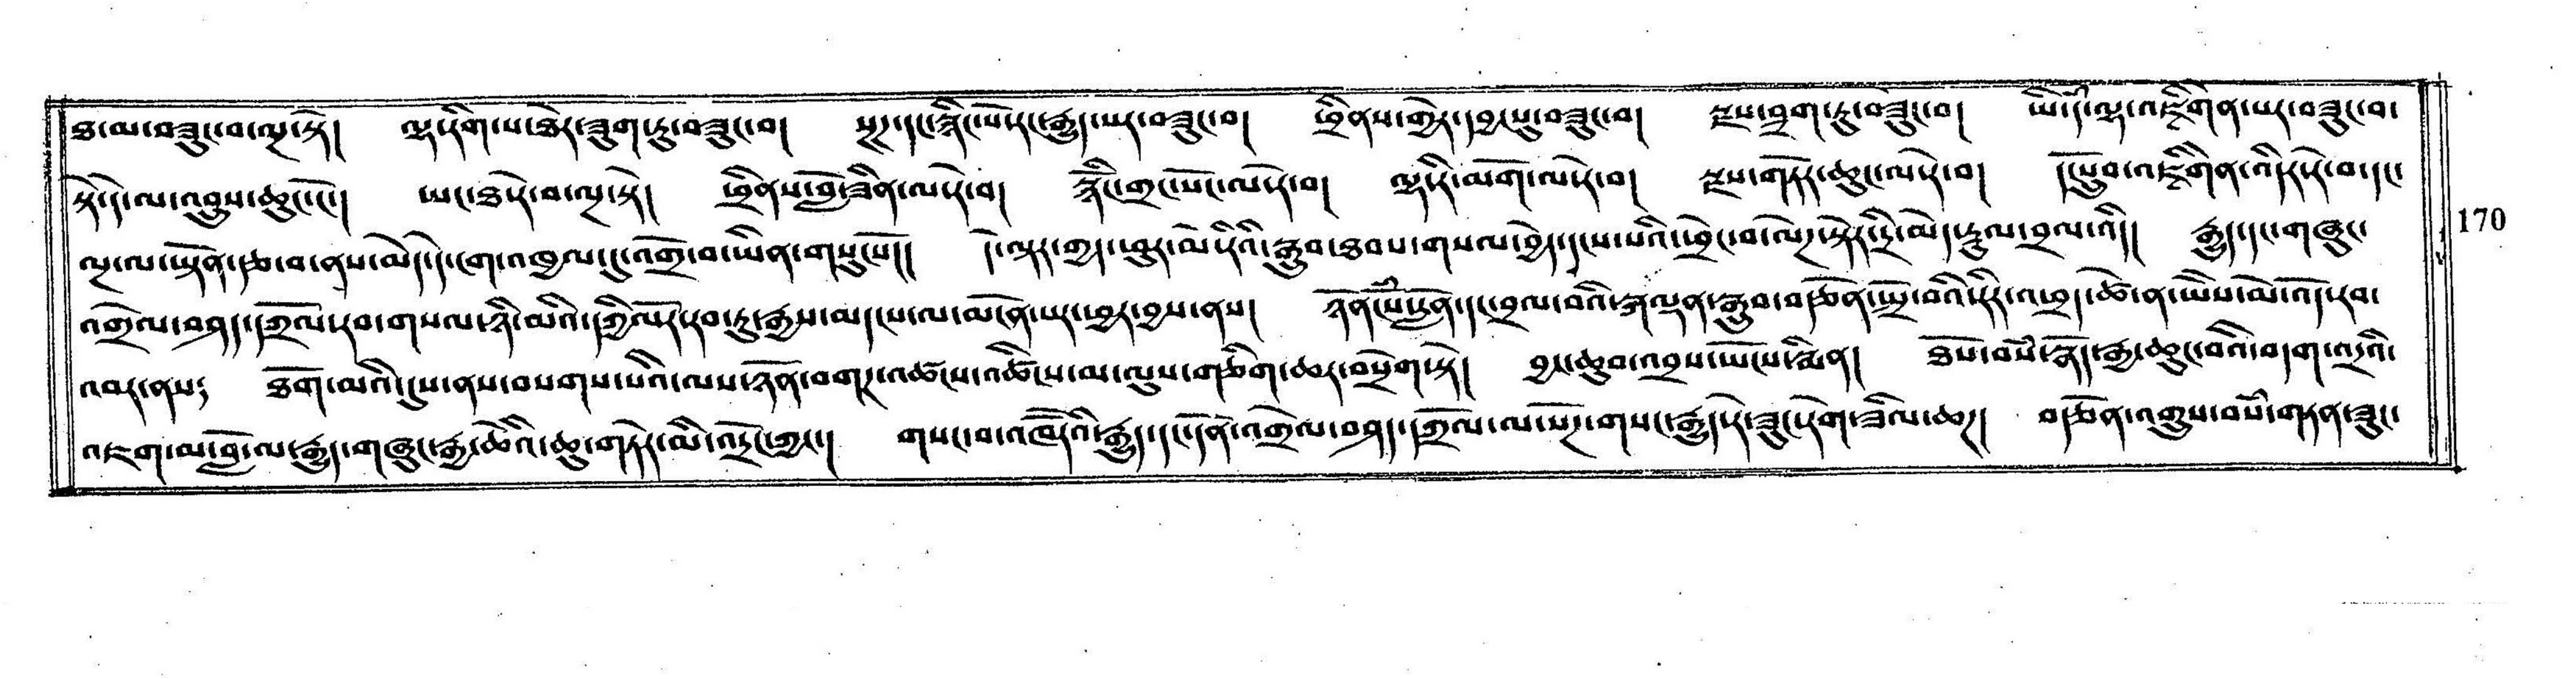ཐ་མ་བཟུང་བ་ལྔ་སྟེ། ལྷ་རིག་པ་ཐེར་ཟུག་ཏུ་བཟུང་བ། སྔགས་དང་སྙིང་པོ་རང་རྒྱུད་པར་བཟུང་བ། ཕྲིན་ལས་གྱེར་དབྱངས་སུ་བཟུང་བ། རྫས་ཤ་ཁྲག་ཏུ་བཟུང་བ། ཡི་དམ་ལྷ་འཇིག་རྟེན་པར་བཟུང་བ་
སྟེ་དེ་ལ་འབྲས་བུ་ཆུང་ངོ་། ཡང་ཐ་རེ་བ་ལྔ་སྟེ། ཕྲིན་ལས་བློ་ཟིན་ལ་རེ་བ། སྙིང་པོ་གྲང་སོང་ལ་རེ་བ། ལྷ་རི་མགོ་ལ་རེ་བ། རྫས་གཏོར་ཆུང་ལ་རེ་བ། དངོས་གྲུབ་འཇིག་རྟེན་འདིར་རེ་བ་དང་
ལྔ་ལ་ཡོན་ཏན་རྩ་བ་ནས་མེད་དེ་ངག་འཁྱལ་དུ་འགྲོ་བ་ཡིན་གསུངས་སོ།། དེ་ལྟར་གྱད་ཕུར་མེ་རིའི་སྒྲུབ་ཐབས་གསལ་བྱེད་དྭངས་པའི་ཕྲེང་བ་ལེགས་སྟེར་དྲི་མེད་རྡུལ་བྲལ་འདི། རྒྱུད་དང་གཞུང་
འགྲེལ་བཤད་དཀྲོལ་རབ་གསལ་ཉི་མའི་དཀྱིལ་འཁོར་རབ་ཏུ་རྒྱས་མདངས་ལ་མངོན་པར་ཕྱར་བྱས་ནས། ཉོན་མོངས་རློན་དང་བྲལ་བའི་སྐལ་ལྡན་སྒྲུབ་བརྩོན་སྤྲོ་བའི་རིར་འཕྲད་ཚེ་ན་ཡེ་ཤེས་མེ་འོད་རབ་
འབར་ནས། ཐོག་མའི་དུས་ནས་བསགས་པའི་ལས་ཉོན་བག་ཆགས་འཚངས་འཚིང་མ་ལུས་གཅིག་ཆར་བསྲེག་སྟེ་བྱང་ཆུབ་འབྲས་ཡོངས་སྨིན། ཐོས་བསམ་སྣོད་རྒྱ་ཆུང་བའི་བདག་འདྲའི་
འཇག་མ་བློ་ལ་རྒྱུད་གཞུང་རྒྱ་ཆེའི་ཆུ་གཏེར་མི་འདྲོང་ཀྱང་། གསང་བ་འཁོར་ལོའི་རྒྱུད་དང་དོན་འགྲེལ་བཤད་དཀྲོལ་ལ་སོགས་གསང་རྒྱུད་རེ་ཟུང་རེག་ཟིལ་ཆགས། བརྩོན་འགྲུས་བསམ་གཏན་ཟུང་